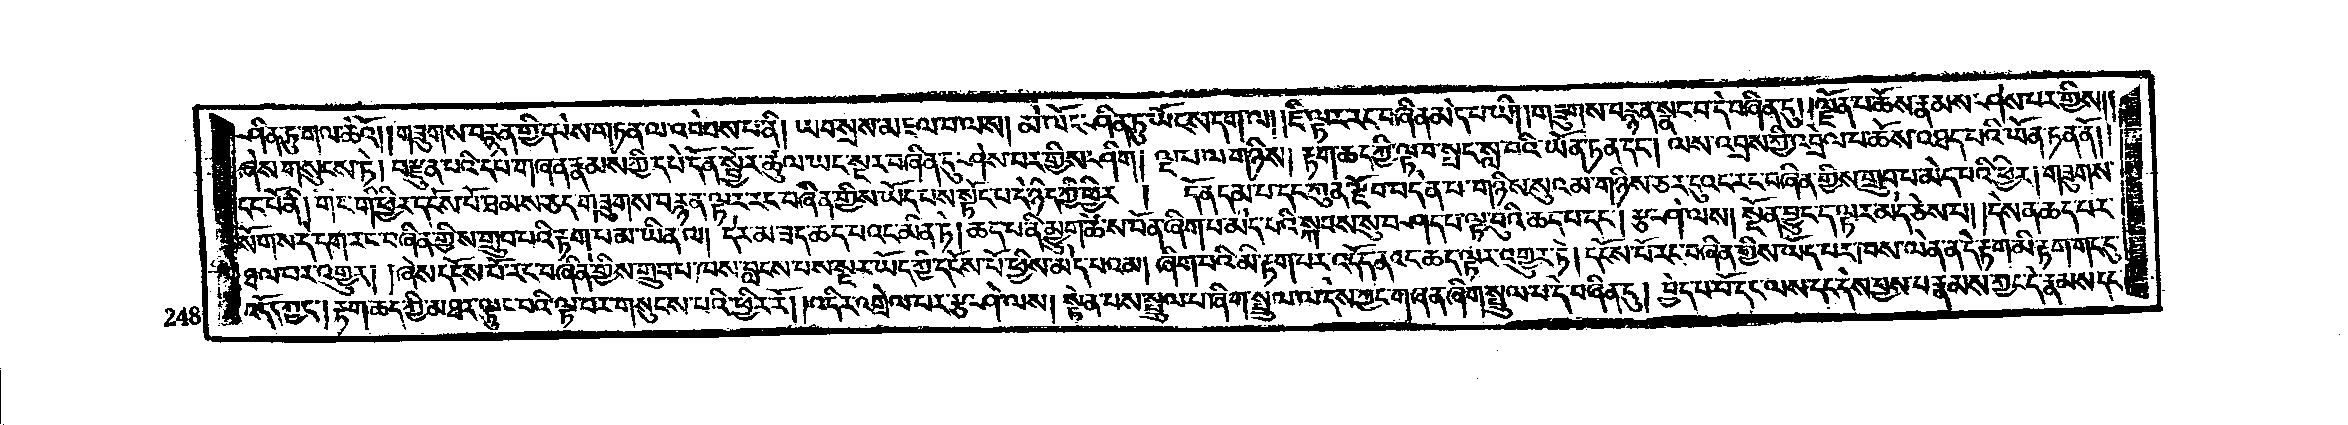ཤིན་ཏུ་གལ་ཆེའོ། །གཟུགས་བརྙན་གྱི་དཔེས་གཏན་ལ་འབེབས་པ་ནི། ཡབ་སྲས་མཇལ་བ་ལས། མེ་ལོང་ཤིན་ཏུ་ཡོངས་དག་ལ། །ཇི་ལྟར་རང་བཞིན་མེད་པ་ཡི། །གཟུགས་བརྙན་སྣང་བ་དེ་བཞིན་དུ། །ལྗོན་པ་ཆོས་རྣམས་ཤེས་པར་གྱིས། །
ཞེས་གསུངས་ཏེ། བརྫུན་པའི་དཔེ་གཞན་རྣམས་ཀྱི་དཔེ་དོན་སྦྱོར་ཚུལ་ཡང་སྔར་བཞིན་དུ་ཤེས་པར་གྱིས་ཤིག །ལྔ་པ་ལ་གཉིས། རྟག་ཆད་ཀྱི་ལྟ་བ་སྤང་སླ་བའི་ཡོན་ཏན་དང་། ལས་འབྲས་ཀྱི་འབྲེལ་བ་ཆེས་འཐད་པའི་ཡོན་ཏན་ནོ། །
དང་པོ་ནི། གོང་གི་ཕྱིར་དངོས་པོ་ཐམས་ཅད་གཟུགས་བརྙན་ལྟར་རང་བཞིན་གྱིས་ཡོད་པས་སྟོང་པ་དེ་ཉིད་ཀྱི་ཕྱིར། དོན་དམ་པ་དང་ཀུན་རྫོབ་བདེན་པ་གཉིས་སུའམ་གཉིས་ཅར་དུའང་རང་བཞིན་གྱིས་གྲུབ་པ་མེད་པའི་ཕྱིར། གཟུགས་
སོགས་དེ་དག་རང་བཞིན་གྱིས་གྲུབ་པའི་རྟག་པ་མ་ཡིན་ལ། དེར་མ་ཟད་ཆད་པའང་མིན་ཏེ། ཆད་པ་ནི་མྱུག་ཚེ་ས་བོན་ཞིག་པ་མེད་པའི་སྐབས་སུ་བཤད་པ་ལྟ་བུའི་ཆད་པ་དང་། རྩ་ཤེ་ལས། སྔོན་བྱུང་ད་ལྟར་མེད་ཅེས་པ། །དེས་ན་ཆད་པར་
ཐལ་བར་འགྱུར། །ཞེས་དངོས་པོ་རང་བཞིན་གྱིས་གྲུབ་པ་ཁས་བླངས་པས་སྔར་ཡོད་ཀྱི་དངོས་པོ་ཕྱིས་མེད་པའམ། ཞིག་པའི་མི་རྟག་པར་འདོད་ནའང་ཆད་ལྟར་འགྱུར་ཏེ། དངོས་པོ་རང་བཞིན་གྱིས་ཡོད་པར་ཁས་ལེན་ན་དེ་རྟག་མི་རྟག་གང་དུ་
འདོད་ཀྱང་། རྟག་ཆད་ཀྱི་མཐར་ལྟུང་བའི་ལྟ་བར་གསུངས་པའི་ཕྱིར་རོ། །འདིར་འགྲེལ་པར་རྩ་ཤེ་ལས། སྟེན་པས་སྤྲུལ་པ་ཞིག་སྤྲུལ་ལ་དེས་ཀྱང་གཞན་ཞིག་སྤྲུལ་པ་དེ་བཞིན་དུ། བྱེད་པ་པོ་དང་ལས་དང་དེས་བྱས་པ་རྣམས་ཀྱང་དེ་རྣམས་དང་